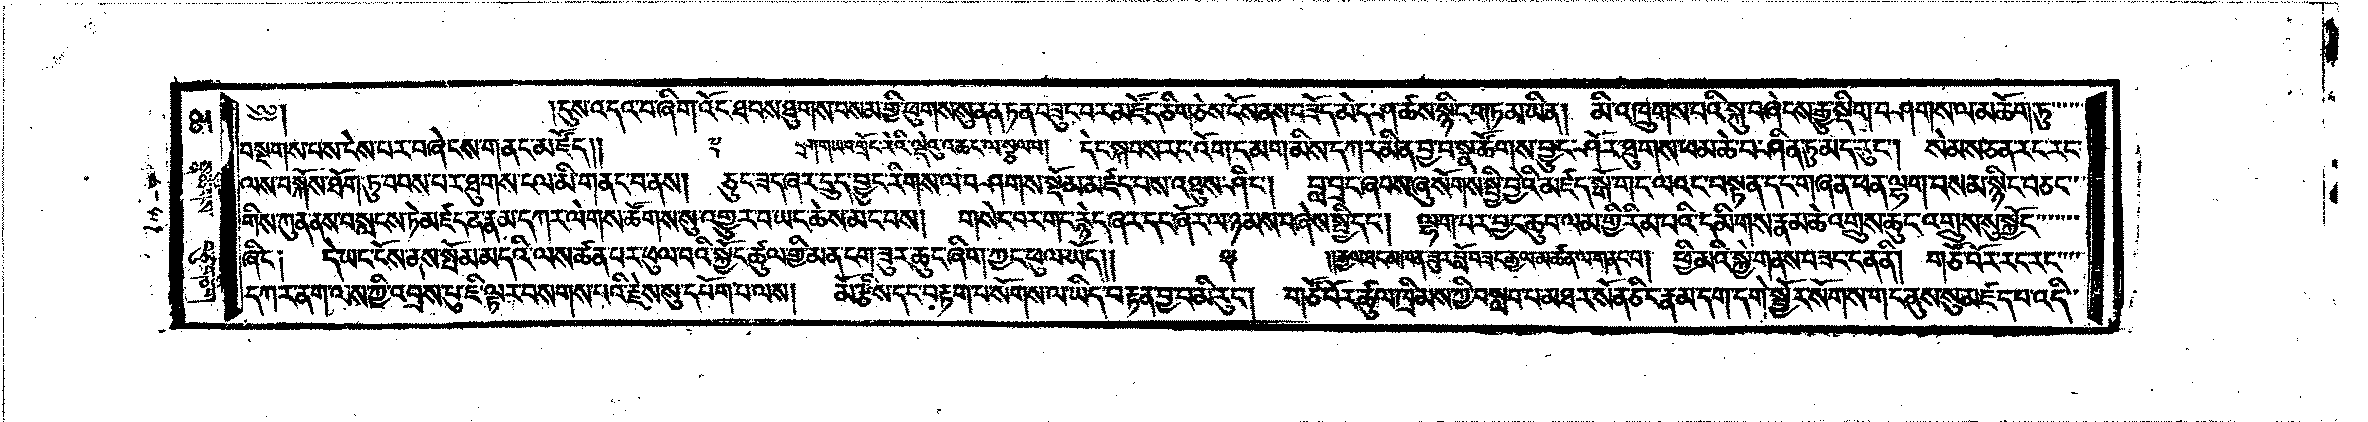༄༅། །དུས་འདའ་བ་ཞིག་འོང་ཐབས་ཐུགས་བསམ་གྱི་ཕུགས་སུ་ནན་ཏན་བཟུང་བར་མཛོད་ཅིག་ཅེས་ངོས་ནས་བཟོད་མེད་ཤ་ཚས་སྙིང་གཏམ་ཡིན། མི་འཁྲུགས་པའི་སྐུ་བཞེངས་རྒྱུ་སྡིག་བཤགས་ལ་མཆོག་ཏུ་
བསྔགས་པས་ངེས་པར་བཞེངས་གནང་མཛོད།། ༈ དྲག་གཡབ་གྲོང་རེའི་ལྡེའུ་འཆང་ལ་སྩལ་པ།  དེང་སྐབས་རང་འོག་དམག་མིས་དཀར་མིན་བྱ་བ་སྣ་ཚོགས་བྱུང་ཤོར་ཐུགས་ཕམ་ཆེ་བ་ཤིན་ཏུ་མད་རུང་། སེམས་ཅན་རང་རང་
ལས་བསྐོས་ཐོག་ཏུ་བབས་པར་ཐུགས་ངལ་མི་གནང་བ་ནས། ཅུང་ཟད་ཞར་དྲུང་བྱུང་རིགས་ལ་བཤགས་སྡོམ་མཛད་པས་འཐུས་ཤིང་། བླ་བྲང་ཞབས་ཞུ་སོགས་སྤྱི་བྱེའི་མཛད་སྒོ་གང་ལའང་བསྟན་དང་གཞན་ཕན་ལྷག་བསམ་སྙིང་བཅང་
གིས་ཀུན་ནས་བསླངས་ཏེ་མཛད་ན་རྣམ་དཀར་ལེགས་ཚོགས་སུ་འགྱུར་བ་ཡང་ཆེས་མང་བས། གསེང་བར་གང་རྙེད་ཞར་དང་ཞོར་ལ་ཉམས་བཞེས་སྤྱི་དང་། ལྷག་པར་བྱང་ཆུབ་ལམ་གྱི་རིམ་པའི་དམིགས་རྣམ་ཆེ་འགྲུས་ཆུང་འགྲུས་སུ་སྐྱོང་
ཞིང༑ དེ་ཡང་ངོས་ནས་སྤོམ་མདའི་ལས་ཚན་པར་ཕུལ་བའི་སྐྱོང་ཚུལ་གྱི་མན་ངག་ཟུར་ཆུང་ཞིག་ཀྱང་ཕུལ་ཡོད།། ༈ །།རྒྱལ་ཐང་མཁན་ཟུར་བློ་བཟང་རྒྱལ་མཚན་ལ་གནང་བ།  ཕྱི་མའི་སྐྱེ་གནས་བཟང་ངན་ནི། གཙོ་བོར་རང་རང་
དཀར་ནག་ལས་ཀྱི་འབྲས་བུ་ཇི་ལྟར་བསགས་པའི་རྗེས་སུ་དཔོག་པ་ལས། མོ་རྩིས་དང་བརྟག་པ་སོགས་ལ་ཡིད་བརྟན་བྱ་བ་མི་རུང་། གཙོ་བོར་ཚུལ་ཁྲིམས་ཀྱི་བསླབ་པ་མཐར་སོན་ཅིང་རྣམ་དག་དགེ་སྦྱོར་སོགས་གང་ནུས་སུ་མཛད་པ་འདི་